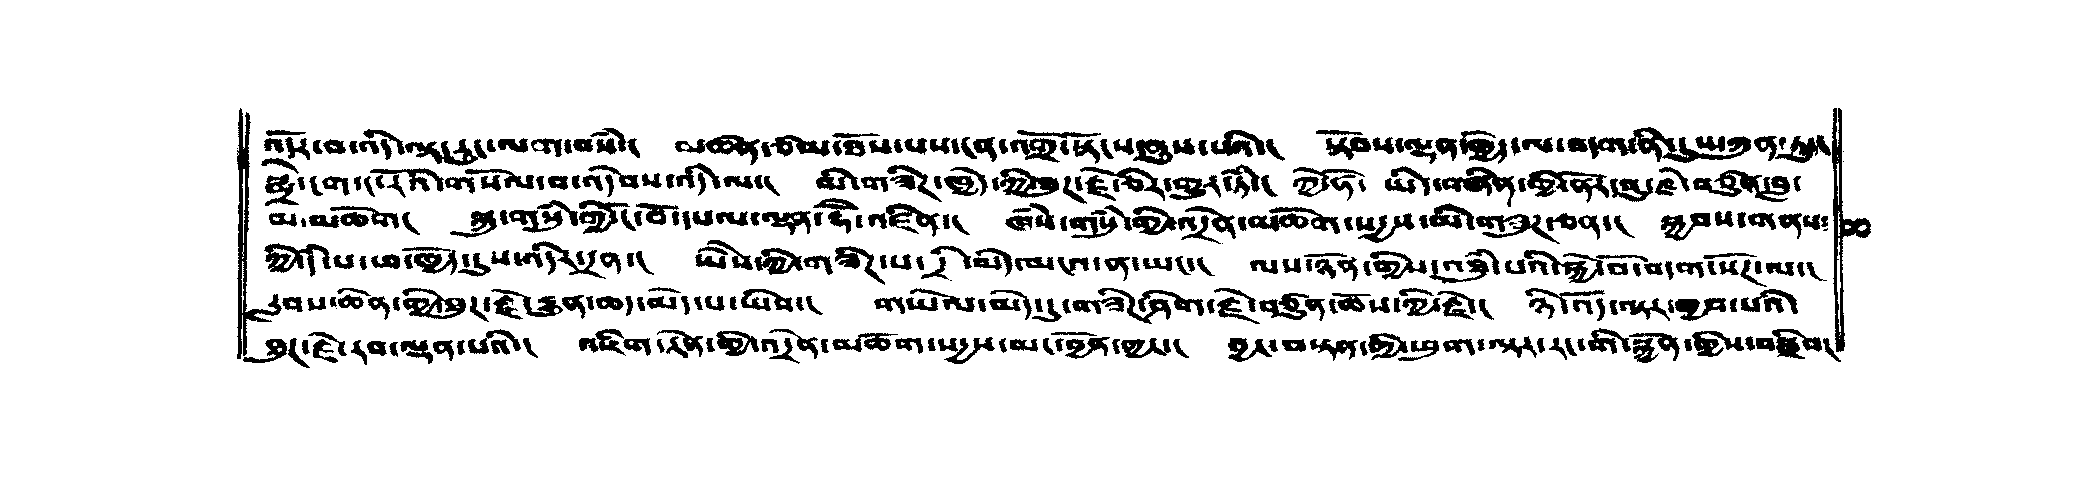འདོར་བ་འདོར་བ་འདི་ལྟ་རུང་ལགས་སམ། །མཚན་ཙམ་ཐོས་པས་ངན་འགྲོ་སྟོངས་ནུས་པའི། །སྟོབས་ལྡན་ཁྱེད་ལ་བདག་ནི་དུས་ཀུན་ཏུ། །
སྨྲེ་ངག་ང་རོའི་གསོལ་བ་འདེབས་འདི་ལ། །མི་གཟིགས་ཁྱེད་ཀྱི་ཐུགས་རྗེ་ཅིར་གྱུར་ཏམ། ཀྱེ་ཧོ། ཡིད་བཞིན་གྱི་ནོར་བུ་རྗེ་བཙུན་བླ་
མ་མཆོག སྐུ་གསུམ་གྱི་ངོ་བོ་དཔལ་ལྡན་རྡོ་རྗེ་འཛིན། །ཁམས་གསུམ་གྱི་འདྲེན་མཆོག་སངས་རྒྱས་མི་གཟུགས་ཅན། །སྐྱབས་གནས་
ཀྱི་དམ་པ་ཕ་ཁྱོད་དུས་འདིར་དྲན། །ཡེ་ཤེས་ཀྱི་གཟིགས་པ་དྲི་མེད་མངའ་ན་ཡང་། །ལས་ཉོན་གྱིས་འཐུམ་པའི་སྐྱེ་བོ་བདག་སོགས་ལ། །
རླབས་ཆེན་གྱི་ཐུགས་རྗེ་རྒྱུན་ཆད་མེད་པ་ཡིས། །གཡེལ་མེད་དུ་གཟིགས་ཤིག་རྗེ་བཙུན་ཆོས་ཀྱི་རྗེ། །ཉི་འོད་ལྟར་ཁྱབ་པའི་
ཐུགས་རྗེ་རབ་ལྡན་པའི། །འཇིག་རྟེན་གྱིས་འདྲེན་མཆོག་སངས་རྒྱས་མང་བྱོན་ཀྱང་། །བྱང་བསྟན་གྱི་ཕུག་ལྟར་རང་གི་སྐྱོན་གྱིས་བསྒྲིབ།